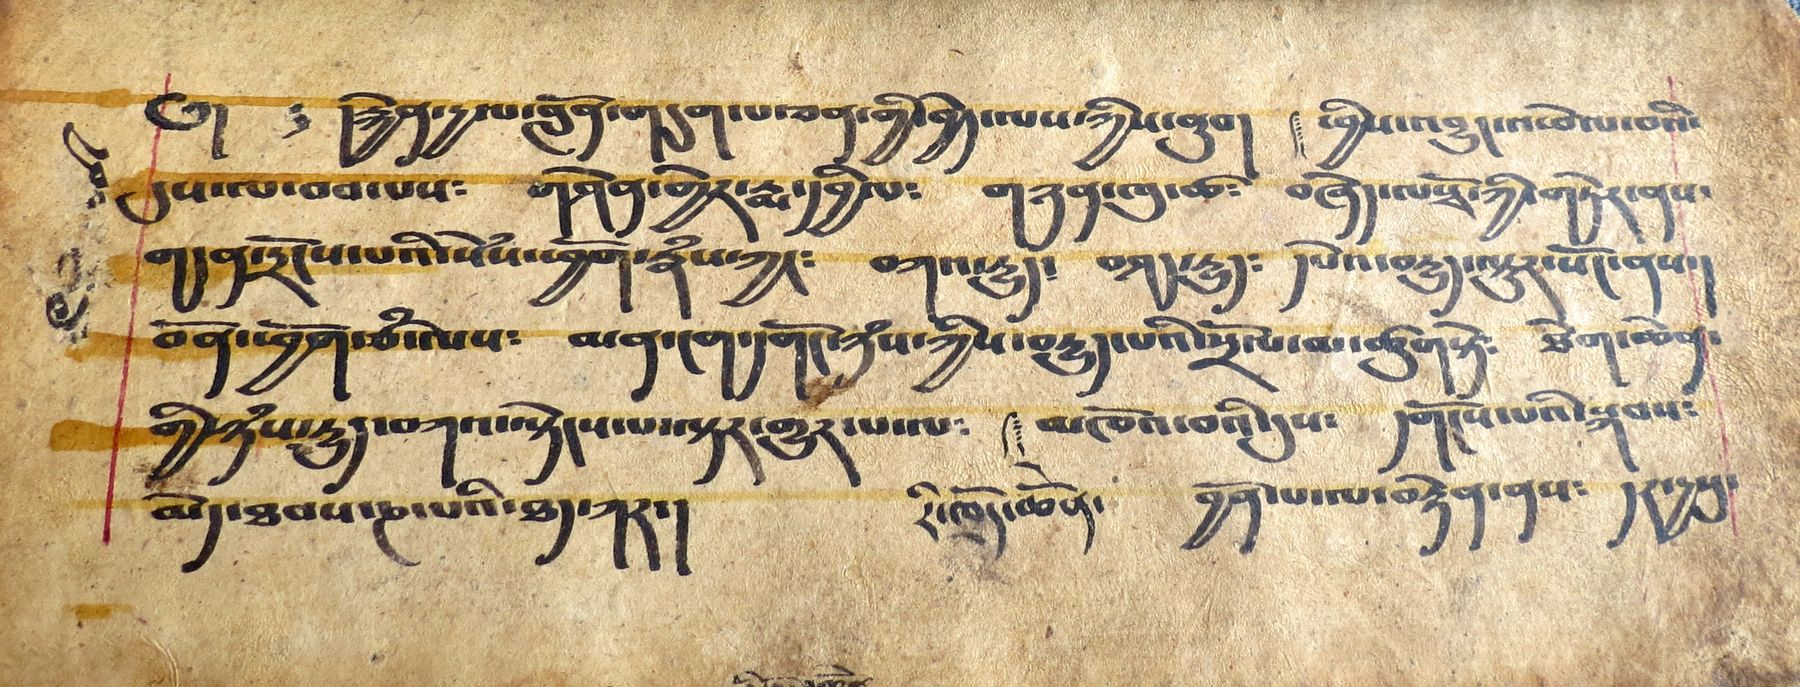རྐྱེན་རྒྱལ་བློན་གདུག་པ་ཅན་གྱི་བྱེད་ལས་ཀྱིས་ནུབ། ཕྱིས་འབྱུང་འཕེལ་བའི་
དུས་ལ་བབས་ནས། གཤེན་གྱེར་རྨ་དབྱིལ་སྙ་ཁུ་ཚ། གཞོད་ལ་སོགས་ཀྱིས་གཏེར་ནས་
གདན་དྲངས་པའི་སེམས་ཕྱོགས་རྣམས་ཀྱང་། བཀའ་བརྒྱུད་བཤད་བརྒྱུད། དཔེ་བརྒྱུད་ལྟ་བུར་སོང་ནས་
བོན་ཕྱོགས་ཙམ་ལས། མན་ངག་དགོངས་ཉམས་ཀྱི་བརྒྱུད་པའི་སྲོལ་མ་ཚུགས་ཏེ། ཐེག་ཆེན་
ཉམས་བརྒྱུད་ཀྱི་བཀའ་ལྡིངས་པ་ལྟར་གྱུར་པ་ལ། མཁོ་བའི་དུས། དགོས་པའི་སྐབས། 
མེད་ཐབས་མེད་པའི་ཐད་ཀར། རི་ཁྲོད་པ་ཆེན་པོ་བྱོན་པ་ལ་བརྟེན་ནས་དར་རྒྱས་སུ་